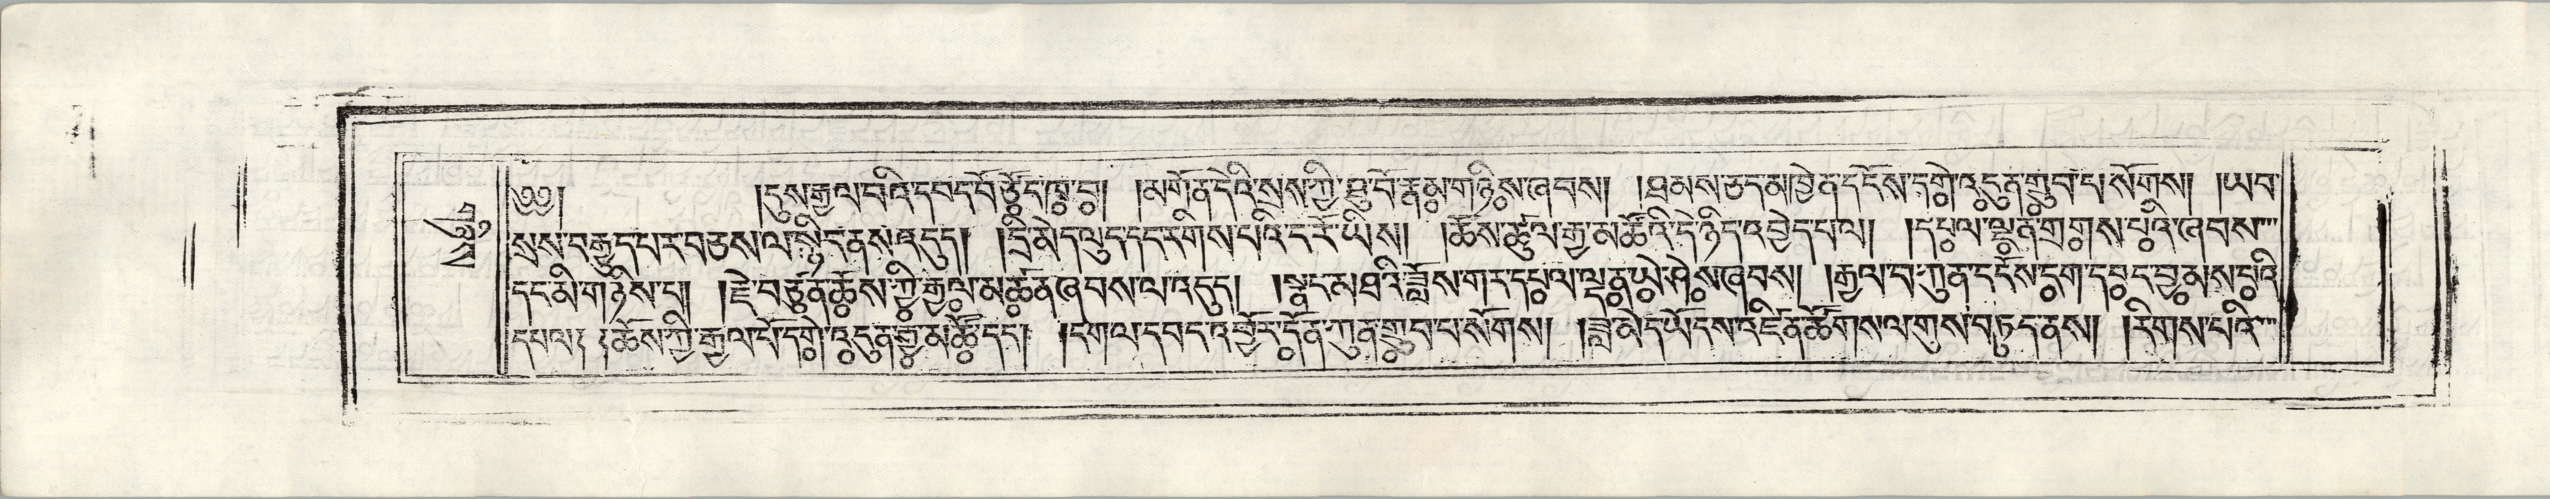༄༅། །དུས་རྒྱལ་བའི་དབང་བོ་རྩོང་ཁ་བ། །མགོན་དེའི་སྲས་ཀྱི་ཐུ་བོ་རྣམ་གཉིས་ཞབས། །ཐམས་ཅད་མཁྱེན་དངོས་དགེ་འདུན་གྲུབ་པ་སོགས། །ཡབ་
སྲས་བརྒྱུད་པར་བཅས་ལ་སྙིང་ནས་འདུད། །དྲི་མེད་ལུང་དང་རིགས་པའི་ང་རོ་ཡིས། །ཆོས་ཚུལ་རྒྱ་མཚོའི་དེ་ཉིད་འབྱེད་པ་ལ། །དཔལ་ལྡན་གྲགས་པའི་ཞབས་
དང་མི་གཉིས་པ། །རྗེ་བཙུན་ཆོས་ཀྱི་རྒྱལ་མཚན་ཞབས་ལ་འདུད། །སྣང་མཐའི་ཟློས་གར་དཔལ་ལྡན་ཡེ་ཤེས་ཞབས། །རྒྱལ་བ་ཀུན་དངོས་ངག་དབང་བྱམས་པའི་
དཔལ། །ཆོས་ཀྱི་རྒྱལ་པོ་དགེ་འདུན་རྒྱ་མཚོ་དང་། །ངག་ལ་དབང་འབྱོར་དོན་ཀུན་གྲུབ་པ་སོགས། །ཟླ་མེད་ཡོངས་འཛིན་ཚོགས་ལ་གུས་བཏུད་ནས། །རིགས་པའི་